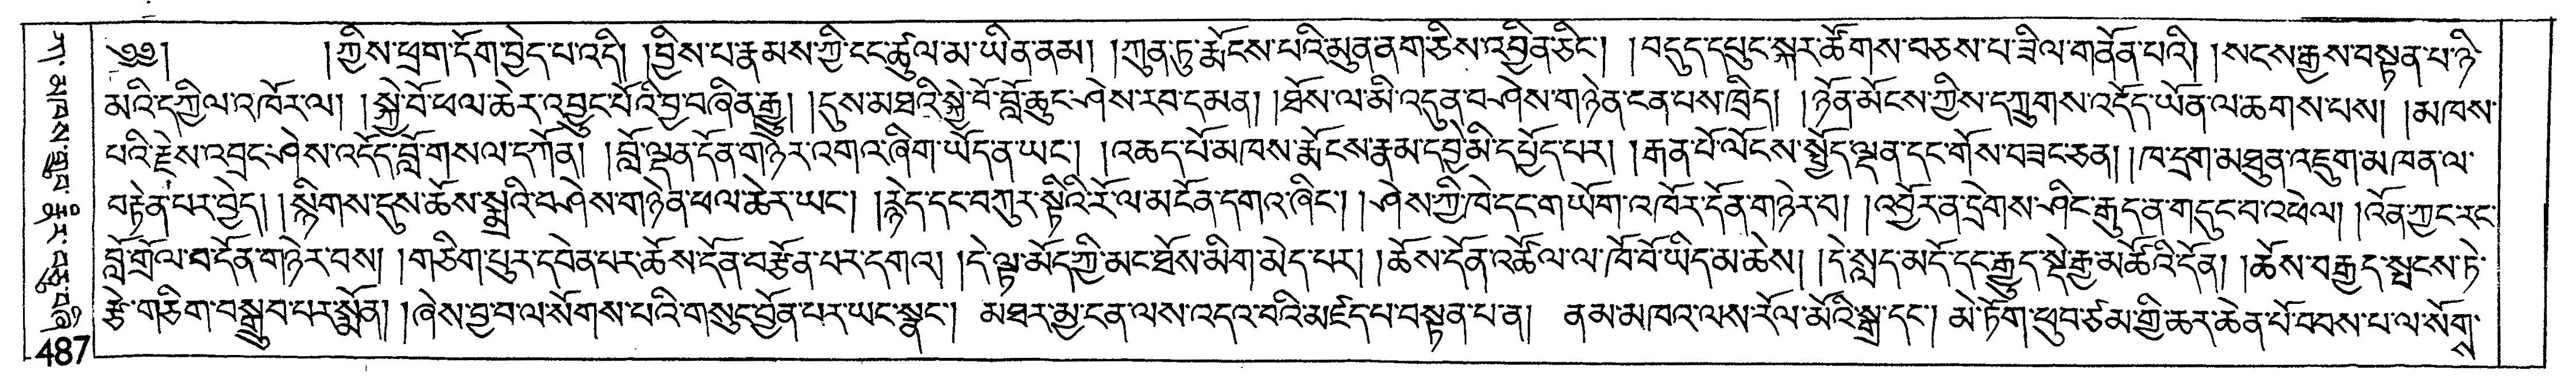༄༅། །ཀྱིས་ཕྲག་དོག་བྱེད་པ་འདི། །བྱིས་པ་རྣམས་ཀྱི་ངང་ཚུལ་མ་ཡིན་ནམ། །ཀུན་ཏུ་རྨོངས་པའི་མུན་ནག་ཅིས་འབྱིན་ཅིང་། །བདུད་དཔུང་སྐར་ཚོགས་བཅས་པ་ཟིལ་གནོན་པའི། །སངས་རྒྱས་བསྟན་པ་ཉི་
མའི་དཀྱིལ་འཁོར་ལ། །སྐྱེ་བོ་ཕལ་ཆེར་འབྱུང་པོའི་བྱ་བཞིན་རྒྱུ། །དུས་མཐའི་སྐྱེ་བོ་བློ་ཆུང་ཤེས་རབ་དམན། །ཐོས་ལ་མི་འདུན་བཤེས་གཉེན་ངན་པས་ཁྲིད། །ཉོན་མོངས་ཀྱིས་དཀྲུགས་འདོད་ཡོན་ལ་ཆགས་པས། །མཁས་
པའི་རྗེས་འབྲང་ཤེས་འདོད་བློ་གསལ་དཀོན། །བློ་ལྡན་དོན་གཉེར་འགའ་ཞིག་ཡོད་ན་ཡང་། །འཆད་པོ་མཁས་རྨོངས་རྣམ་དབྱེ་མི་དཔྱོད་པར། །རྒན་པོ་ལོངས་སྤྱོད་ལྡན་དང་གོས་བཟང་ཅན། །ཁ་དྲག་མཐུན་འཇུག་མཁན་ལ་
བརྟེན་པར་བྱེད། །སྙིགས་དུས་ཆོས་སྨྲའི་བཤེས་གཉེན་ཕལ་ཆེར་ཡང་། །རྙེད་དང་བཀུར་སྟིའི་རོ་ལ་མངོན་དགའ་ཞིང་། །ཤེས་ཀྱི་ཁེ་དང་གཡོག་འཁོར་དོན་གཉེར་བ། །འབྱོར་ན་དྲེགས་ཤིང་རྒུད་ན་གདུང་བ་འཕེལ། །འོན་ཀྱང་རང་
བློ་གྲོལ་བ་དོན་གཉེར་བས། །གཅིག་པུར་དབེན་པར་ཆོས་དོན་བརྩོན་པར་དགའ། །དེ་ལྟ་མོད་ཀྱི་མང་ཐོས་མིག་མེད་པར། །ཆོས་དོན་འཚོལ་ལ་ཁོ་བོ་ཡིད་མ་ཆེས། །དེ་སླད་མདོ་དང་རྒྱུད་སྡེ་རྒྱ་མཚོའི་དོན། །ཆོས་བརྒྱད་སྤངས་ཏེ་
རྩེ་གཅིག་བསྒྲུབ་པར་སྨོན། །ཞེས་བྱ་བ་ལ་སོགས་པའི་གསུང་བྱོན་པར་ཡང་སྣང་། མཐར་མྱ་ངན་ལས་འདའ་བའི་མཛད་པ་བསྟན་པ་ན། ནམ་མཁའ་ལས་རོལ་མོའི་སྒྲ་དང་། མེ་ཏོག་ཕུབ་ཙམ་གྱི་ཆར་ཆེན་པོ་བབས་པ་ལ་སོགས་